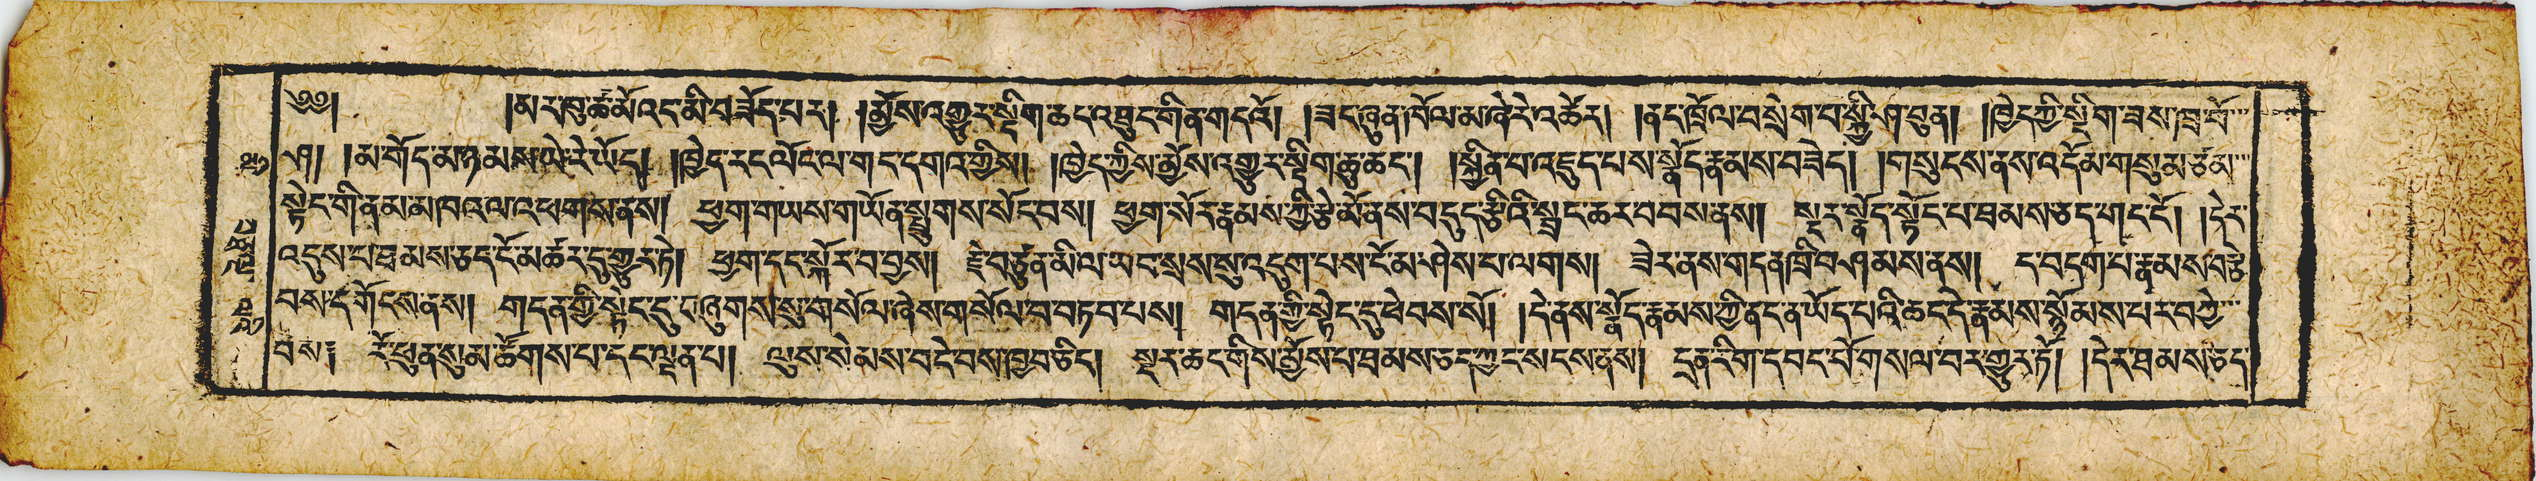མར་ཁུ་ཚ་མོའང་མི་བཟོད་པར། །མྱོས་འགྱུར་སྡིག་ཆང་འཐུང་གིན་གདའོ། །ཟང་ཞུན་ཁོལ་མ་ཞེ་རེ་འཚེར། །ནང་ཁྲོལ་བསྲེག་བ་སྐྱི་ཤ་བུན། །ཁྱེད་ཀྱི་སྡིག་ཟས་ཁྲ་བོ་
ཤྭ། མ་གོད་མ་ཉམས་ཡེ་རེ་ཡོད། ཁྱེད་རང་ལོང་ལ་གང་དགའ་གྱིས། །ཁྱེད་ཀྱིས་མྱོས་འགྱུར་སྡིག་ཆུ་ཆང་། །སྐྱིན་པ་འཇུད་པས་སྣོད་རྣམས་བཟེད། །གསུངས་ནས་འདོམ་གསུམ་ཙམ་
སྟེང་གི་ནམ་མཁའལ་འཕགས་ནས། ཕྱག་གཡས་གཡོན་སྤྲུགས་སོང་བས། ཕྱག་སོར་རྣམས་ཀྱི་རྩེ་མོནས་བདུད་རྩིའི་སྦྲང་ཆར་བབས་ནས། སྔར་སྣོད་སྟོང་པ་ཐམས་ཅད་གང་ངོ་། །དེར་
འདུས་པ་ཐམས་ཅད་ངོ་མཚར་དུ་གྱུར་ཏེ། ཕྱག་དང་སྐོར་བ་བྱས། རྗེ་བཅུན་མི་ལ་ཡབ་སྲས་སུ་འདུག་པས་ངོ་མ་ཤེས་པ་ལགས། ཟེར་ནས་ད་བདག་པ་རྣམས་བརྩེ་
བས་དགོངས་ནས་གདན་ཁྲི་བཤམས་ནས་གདན་གྱི་སྟེང་དུ་བཞུགས་སུ་གསོལ་ཞེས་གསོལ་བ་བཏབ་པས། གདན་གྱི་སྟེང་དུ་ཕེབས་སོ། །དེ་ནས་སྣོད་རྣམས་ཀྱི་ནང་ན་ཡོད་པའི་ཆང་དེ་རྣམས་སྙོམས་པར་བཀྱེ་
བས། རོ་ཕུན་སུམ་ཚོགས་པ་དང་ལྡན་པ། ལུས་སེམས་བདེ་བས་ཁྱབ་ཅིང་། སྔར་ཆང་གིས་མྱོས་པ་ཐམས་ཅད་ཀྱང་སངས་ནས། དྲན་རིག་དབང་པོ་གསལ་བར་གྱུར་ཏོ། །དེར་ཐམས་ཅད་